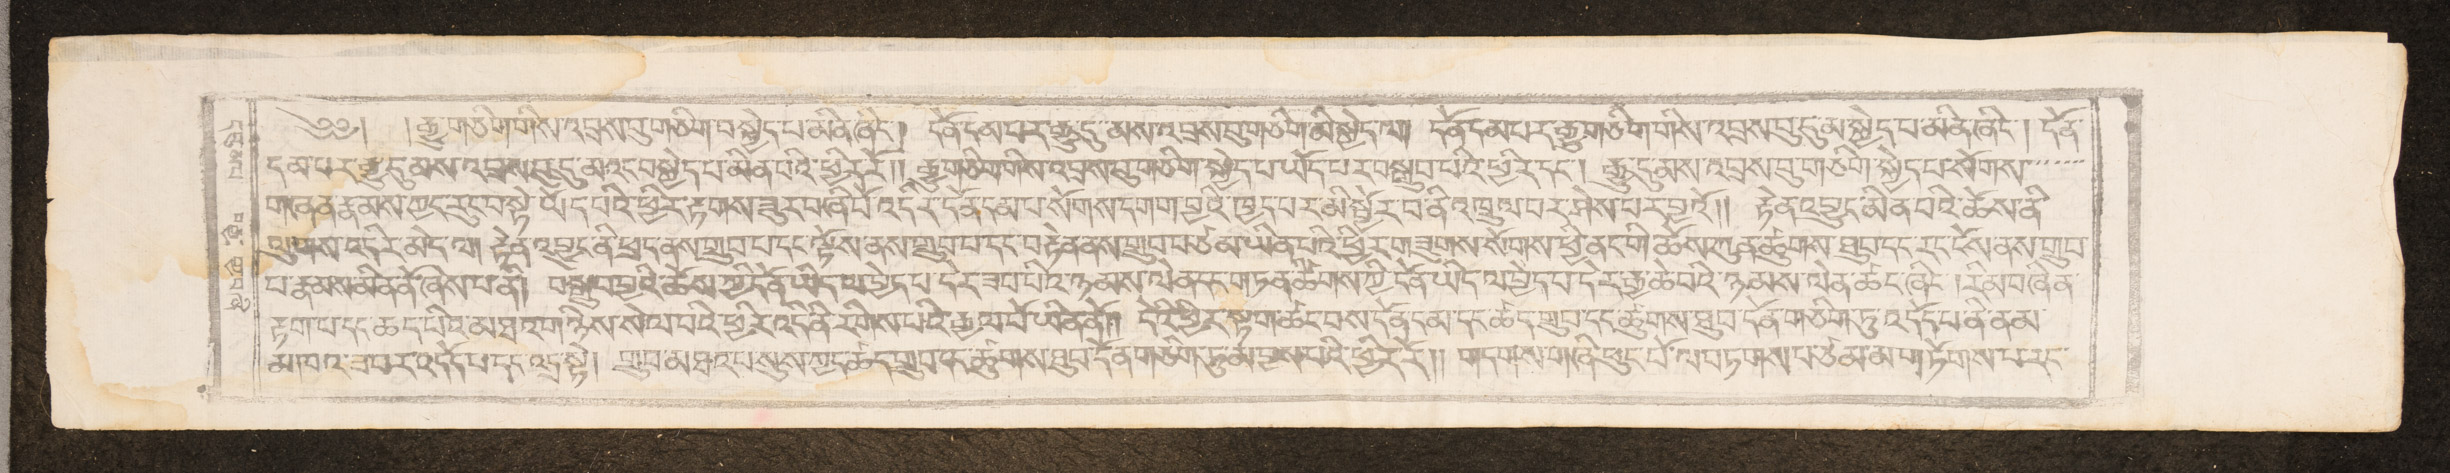༄༅། །རྒྱུ་གཅིག་གིས་འབྲས་བུ་གཅིག་བསྐྱེད་པ་མིན་ཞིང་། དོན་དམ་པར་རྒྱུ་དུ་མས་འབྲས་བུ་གཅིག་མི་སྐྱེད་ལ། དོན་དམ་པར་རྒྱུ་གཅིག་གིས་འབྲས་བུ་དུ་མ་སྐྱེད་པ་མིན་ཞིང་། དོན་
དམ་པར་རྒྱུ་དུ་མས་འབྲས་བུ་དུ་མའང་བསྐྱེད་པ་མིན་པའི་ཕྱིར་རོ། །རྒྱུ་གཅིག་གིས་འབྲས་བུ་གཅིག་སྐྱེད་པ་ཡོད་པར་བསྒྲུབ་པའི་ཕྱིར་དང་། རྒྱུ་དུ་མས་འབྲས་བུ་གཅིག་སྐྱེད་པ་སོགས་
གཞན་རྣམས་ཀྱང་རུང་བ་སྟེ་ཡོད་པའི་ཕྱིར་རྟགས་ཟུར་བཞི་པོ་འདིར་དོན་དམ་པ་སོགས་དགག་བྱའི་ཁྱད་པར་མི་སྦྱོར་བ་ནི་འཁྲུལ་བར་ཤེས་པར་བྱའོ། །རྟེན་འབྱུང་མིན་པའི་ཆོས་ནི་
ལུགས་འདིར་མེད་ལ། རྟེན་འབྱུང་ནི་ཕྲད་ནས་གྲུབ་པ་དང་ལྟོས་ནས་གྲུབ་པ་དང་བརྟེན་ནས་གྲུབ་པ་ཙམ་ཡིན་པའི་ཕྱིར་གཟུགས་སོགས་ཕྱི་ནང་གི་ཆོས་ཀུན་ཚུགས་ཐུབ་དང་རང་ངོས་ནས་གྲུབ་
པ་རྣམས་མིན་ནོ་ཞེས་པ་ནི། བསྒྲུབ་བྱའི་ཆོས་ཀྱི་དོན་ཡིད་ལ་བྱེད་པ་དེར་ཟབ་པོའི་ཉམས་ལེན་དང་གཏན་ཚིག་ཀྱི་དོན་ཡིད་ལ་བྱེད་པ་དེར་རྒྱ་ཆེ་བའི་ཉམས་ལེན་ཚང་ཞིང་། རིམ་བཞིན་
རྟག་པ་དང་ཆད་པའི་མཐའ་གཉིས་སེལ་བའི་ཕྱིར་འདི་ནི་རིགས་པའི་རྒྱལ་པོ་ཡིན་ནོ། །དེའི་ཕྱིར་སྟག་ཚང་བས་དོན་དམ་དང་ཚད་གྲུབ་དང་ཚུགས་ཐུབ་དོན་གཅིག་ཏུ་འདོད་པ་ནི་ནམ་
མཁའ་ཟ་བར་འདོད་པ་དང་འདྲ་སྟེ། གྲུབ་མཐའ་པ་སུས་ཀྱང་ཚད་གྲུབ་དང་ཚུགས་ཐུབ་དོན་གཅིག་མ་བྱས་པའི་ཕྱིར་རོ། །གདགས་གཞི་ཕུང་པོ་ལ་བཏགས་པ་ཙམ་མ་གཏོགས་པ་རང་